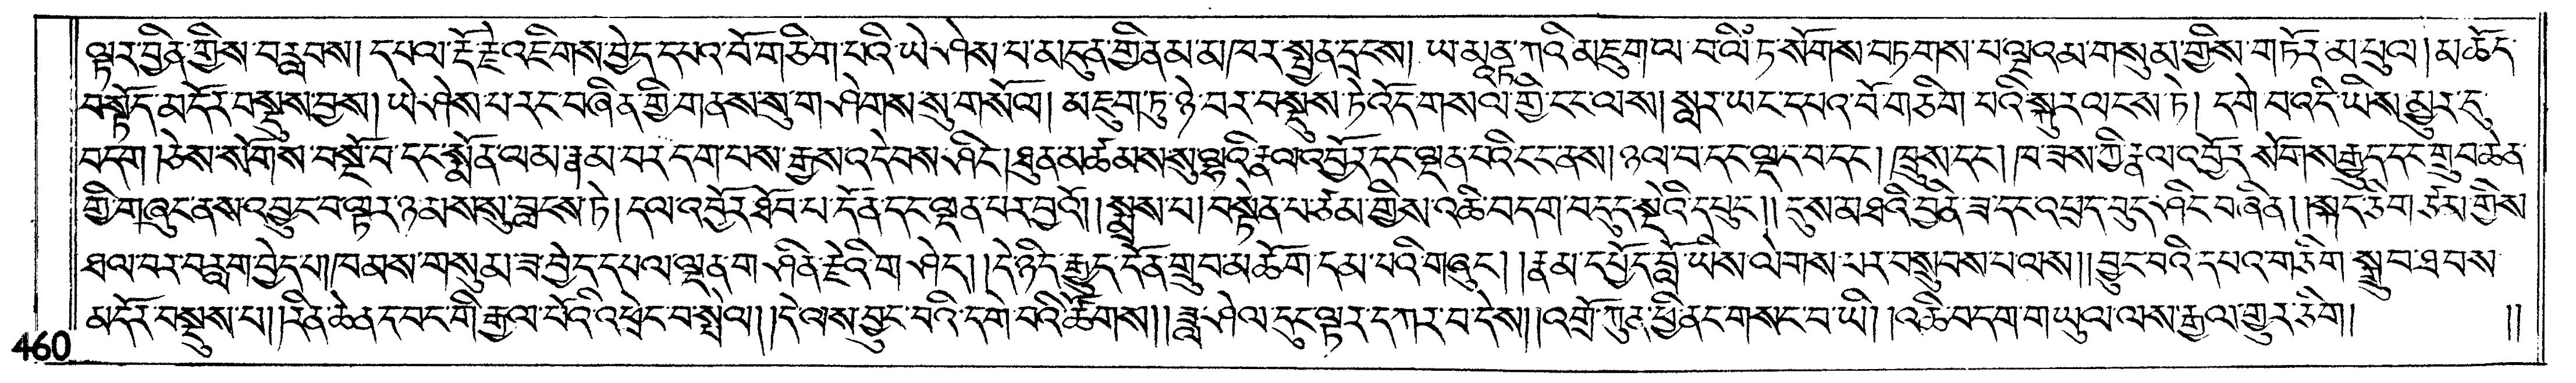ལྟར་བྱིན་གྱིས་བརླབས། དཔལ་རྡོ་རྗེ་འཇིགས་བྱེད་དཔའ་བོ་གཅིག་པའི་ཡེ་ཤེས་པ་མདུན་གྱི་ནམ་མཁར་སྤྱན་དྲངས། ཡ་མཱནྟ་ཀའི་མཇུག་ལ་བ་ལིཾ་ཏ་སོགས་བཏགས་པ་ལྔའམ་གསུམ་གྱིས་གཏོར་མ་ཕུལ། མཆོད་
བསྟོད་མདོར་བསྡུས་བྱས། ཡེ་ཤེས་པ་རང་བཞིན་གྱི་གནས་སུ་གཤེགས་སུ་གསོལ། མཇུག་ཏུ་ཉེ་བར་བསྡུས་ཏེ་འོད་གསལ་གྱི་ངང་ལས། སླར་ཡང་དཔའ་བོ་གཅིག་པའི་སྐུར་ལངས་ཏེ། དགེ་བ་འདི་ཡིས་མྱུར་དུ་
བདག །ཅེས་སོགས་བསྔོ་བ་དང་སྨོན་ལམ་རྣམ་པར་དག་པས་རྒྱས་འདེབས་ཤིང་། ཐུན་མཚམས་སུ་ལྷའི་རྣལ་འབྱོར་དང་ལྡན་པའི་ངང་ནས། ཉལ་བ་དང་ལྡང་བ་དང་། ཁྲུས་དང་། ཁ་ཟས་ཀྱི་རྣལ་འབྱོར་སོགས་རྒྱུད་དང་གྲུབ་ཆེན་
གྱི་གཞུང་ནས་འབྱུང་བ་ལྟར་ཉམས་སུ་བླངས་ཏེ། དལ་འབྱོར་ཐོབ་པ་དོན་དང་ལྡན་པར་བྱའོ། །སྨྲས་པ། བསྟེན་པ་ཙམ་གྱིས་འཆི་བདག་བདུད་སྡེའི་དཔུང་། །དུས་མཐའི་བྱིན་ཟ་དང་འཕྲད་བུད་ཤིང་བཞིན། །སྐད་ཅིག་ཙམ་གྱིས་
ཐལ་བར་བརླག་བྱེད་པ། ཁམས་གསུམ་ཟ་བྱེད་དཔལ་ལྡན་གཤིན་རྗེའི་གཤེད། །དེ་ཉིད་རྒྱུད་དོན་གྲུབ་མཆོག་དམ་པའི་གཞུང་། །རྣམ་དཔྱོད་བློ་ཡིས་ལེགས་པར་བསྲུབས་པ་ལས། །བྱུང་བའི་དཔའ་གཅིག་སྒྲུབ་ཐབས་
མདོར་བསྡུས་པ། །རིན་ཆེན་དབང་གི་རྒྱལ་པོའི་འཕྲེང་བ་སྤེལ། །དེ་ལས་བྱུང་བའི་དགེ་བའི་ཚོགས། །ཟླ་ཤེལ་དུང་ལྟར་དཀར་བ་དེས། །འགྲོ་ཀུན་ཕྱི་ནང་གསང་བ་ཡི། །འཆི་བདག་གཡུལ་ལས་རྒྱལ་གྱུར་ཅིག ། །།